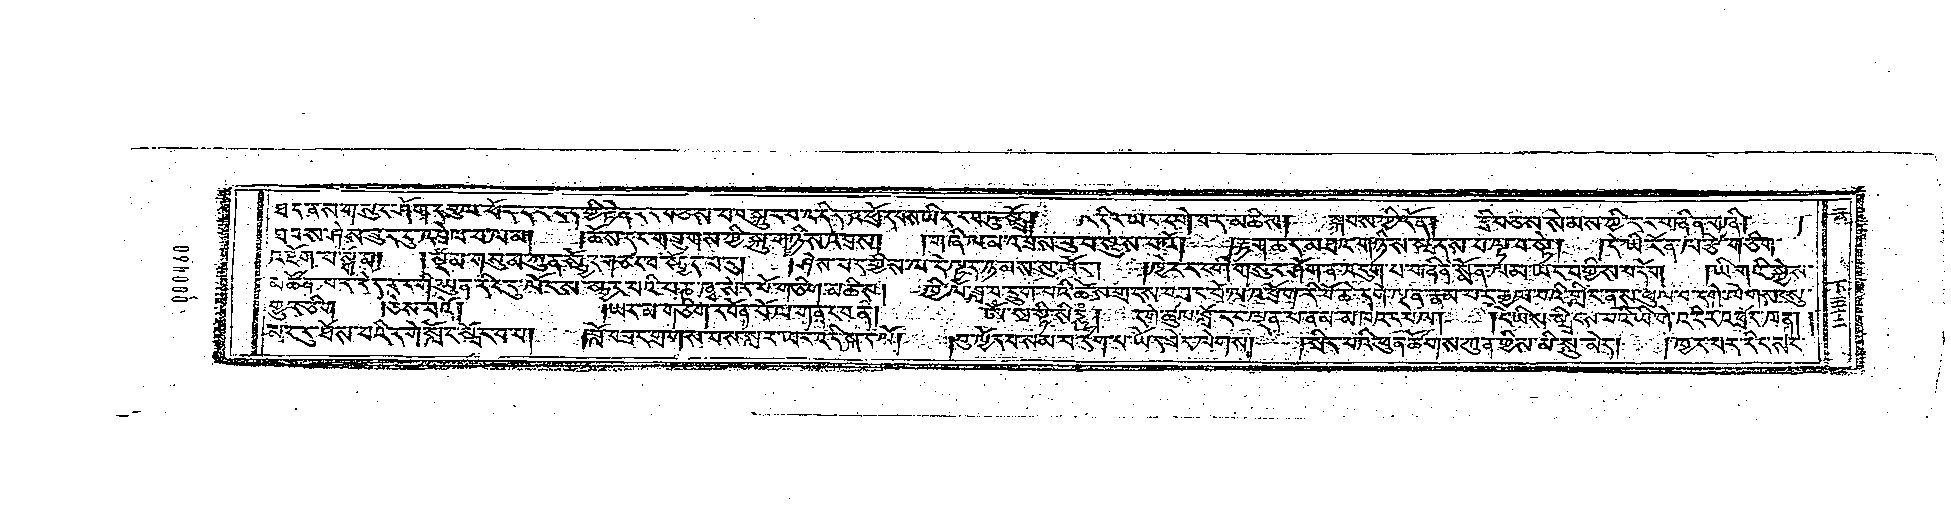ཐང་ནས་གསུང་ཤོག་དབུལ་ཕོར་དང་ངར་གྱི་རྟེན་དང་བཅས་པ་བསྐུར་བ་འདིར་འཕྲོད་པས་ཡིད་རབ་ཏུ་སྤྲོ། འདིར་ཡང་དགེ་བར་མཆིས། སྐབས་ཀྱི་དོན། དྲི་བཅས་སེམས་ཀྱི་རང་བཞིན་གཞི། །
ཐབས་ཤེས་ཟུང་དུ་འབྲེལ་བ་ལམ། །ཆོས་དང་གཟུགས་ཀྱི་སྐུ་གཉིས་འབྲས། །གཞི་ལམ་འབྲས་བུ་བསྡུས་བའོ། །རྟག་ཆད་མཐའ་གཉིས་སྤངས་པ་ལྟ་བ་སྟེ། །དེ་ཡི་དོན་ལ་རྩེ་གཅིག་
འཇོག་པ་སྒོམ། །སྡོམ་གསུམ་ཀུན་སྤྱོད་གཙང་བ་སྤྱོད་པ་རུ། །ཤེས་པར་གྱིས་ལ་དེ་ལྟར་ཉམས་སུ་ལོང་། །ཁྱེད་རང་གི་གསུང་ཤོག་ན་འདུག་པ་བཞིན་སྨོན་ལམ་ཡང་བགྱིས་པ་དོག །ཡི་གའི་སྐྱེས་
མཚོན་པར་དེད་རང་གི་ཡུན་རིང་དུ་ལོངས་སྤྱད་པའི་པཎ་ཞྭ་སེར་པོ་གཅིག་མཆིས། ཁྱི་ལོ་ཟླ་བ་དྲུག་པའི་ཚེས་གྲངས་བཟང་པོ་ལ་འབྲོག་རི་བོ་ཆེ་དགེ་ལྡན་རྣམ་པར་རྒྱལ་བའི་གླིང་ནས་ཕུལ་བ་དགེ་ལེགས་སུ་
གྱུར་ཅིག །ཅེས་པའོ། །ཡང་མ་གཅིག་དབོན་པོ་ལ་གནང་བ་ནི། ཨོཾ་སྭ་སྟི་སིདྡྷཾ། དགེ་ཚུལ་བློ་དང་ལྡན་པ་ནམ་མཁའ་དཔལ། །དེ་ཡིས་སྤྲིངས་པའི་ཡི་གེ་འདིར་འཕྲོད་ལན། །
མང་དུ་ཐོས་པའི་དགེ་སློང་སྤོང་བ་པ། །བློ་བཟང་གྲགས་པས་སླར་ཡང་འདི་སྐད་ལོ། །བུ་ཁྱོད་བསམ་པ་དགེ་པ་ཡོད་ཟེར་ལེགས། །སྲིད་པའི་ཕུན་ཚོགས་ཀུན་གྱིས་མི་སླུ་མེད། །ཁྱད་པར་དེང་ཎྶང་